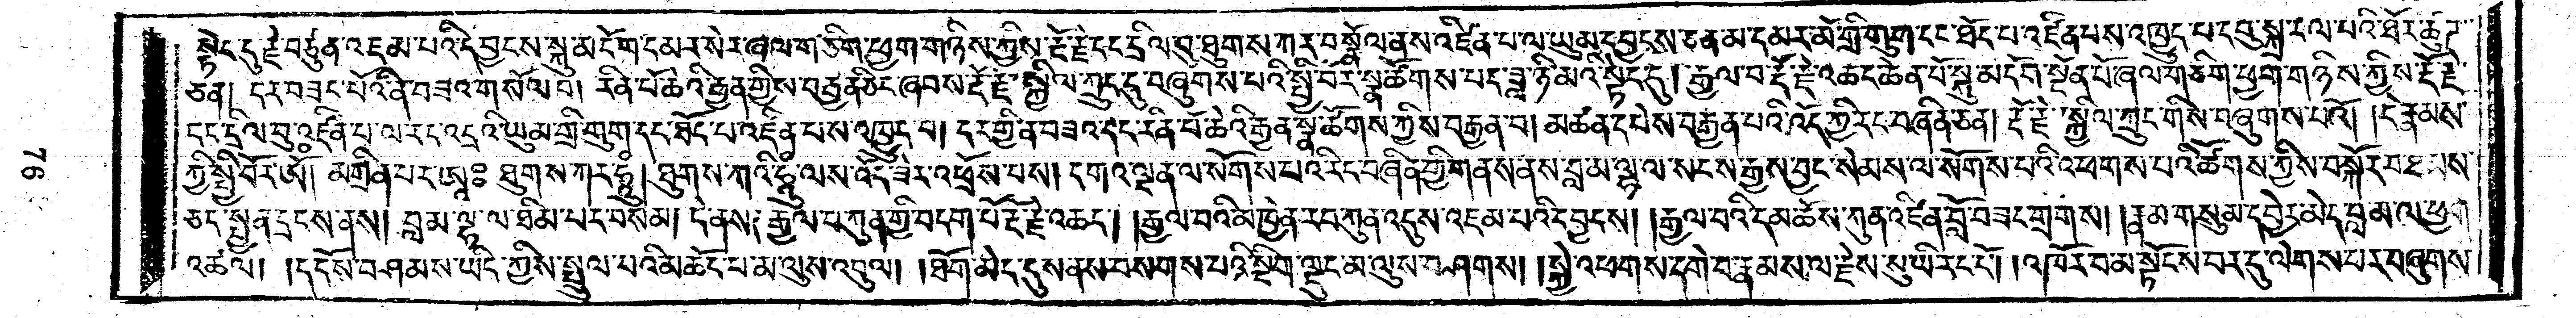སྟེང་དུ་རྗེ་བཙུན་འཇམ་པའི་དབྱངས་སྐུ་མདོག་དམར་སེར་ཞལ་གཅིག་ཕྱག་གཉིས་ཀྱིས་རྡོ་རྗེ་དང་དྲིལ་བུ་ཐུགས་ཀར་བསྣོལ་ནས་འཛིན་པ་ལ་ཡུམ་དབྱངས་ཅན་མ་དམར་མོ་གྲི་གུག་དང་ཐོད་པ་འཛིན་པས་འཁྱུད་པ་དབུ་སྐྲ་རལ་པའི་ཐོར་ཚུགས་
ཅན། དར་བཟང་པོའི་ནི་བཟའ་གསོལ་བ། རིན་པོ་ཆེའི་རྒྱན་གྱིས་བརྒྱན་ཅིང་ཞབས་རྡོ་རྗེ་སྐྱིལ་ཀྲུང་དུ་བཞུགས་པའི་སྤྱི་བོར་སྣ་ཚོགས་པད་ཟླ་ཉི་མའི་སྟེང་དུ། རྒྱལ་བ་རྡོ་རྗེ་འཆང་ཆེན་པོ་སྐུ་མདོག་སྔོན་པོ་ཞལ་གཅིག་ཕྱག་གཉིས་ཀྱིས་རྡོ་རྗེ་
དང་དྲིལ་བུ་འཛིན་པ་ལ་རང་འདྲའི་ཡུམ་གྲི་གུག་དང་ཐོང་པ་འཛིན་པས་འཁྱུད་པ། དར་གྱི་ན་བཟའ་དང་རིན་པོ་ཆེའི་རྒྱན་སྣ་ཚོགས་ཀྱིས་བརྒྱན་པ། མཚན་དཔེས་བརྒྱན་པའི་འོད་ཀྱི་རང་བཞིན་ཅན། རྡོ་རྗེ་སྐྱིལ་ཀྲུང་གིས་བཞུགས་པའོ། །དེ་རྣམས་
ཀྱི་སྤྱི་བོར་ཨོཾ། མགྲིན་པར་ཨཱཿ ཐུགས་ཀར་ཧཱུཾ། ཐུགས་ཀའི་ཧཱུཾ་ལས་འོད་ཟེར་འཕྲོས་པས། དགའ་ལྡན་ལ་སོགས་པའི་རང་བཞིན་གྱི་གནས་ནས་བླ་མ་ལྷ་ལ་སངས་རྒྱས་བྱང་སེམས་ལ་སོགས་པའི་འཕགས་པའི་ཚོགས་ཀྱིས་བསྐོར་བ་ཐམས་
ཅད་སྤྱན་དྲངས་ནས། བླ་མ་ལྷ་ལ་ཐིམ་པར་བསམ། དེ་ནས། རྒྱལ་པ་ཀུན་གྱི་བདག་པོ་རྡོ་རྗེ་འཆང་། །རྒྱལ་བའི་མཁྱེན་རབ་ཀུན་འདུས་འཇམ་པའི་དབྱངས། །རྒྱལ་བའི་དམ་ཆོས་ཀུན་འཛིན་བློ་བཟང་གྲགས། །རྣམ་གསུམ་དབྱེར་མེད་བླ་མ་ལ་ཕྱག་
འཚལ། །དངོས་བཤམས་ཡིད་ཀྱིས་སྤྲུལ་པའི་མཆོད་པ་མ་ལུས་འབུལ། །ཐོག་མེད་དུས་ནས་བསགས་པའི་སྡིག་ལྡུང་མ་ལུས་བཤགས། །སྐྱེ་འཕགས་དགེ་བ་རྣམས་ལ་རྗེས་སུ་ཡི་རང་ངོ། །འཁོར་བ་མ་སྟོངས་བར་དུ་ལེགས་པར་བཞུགས་